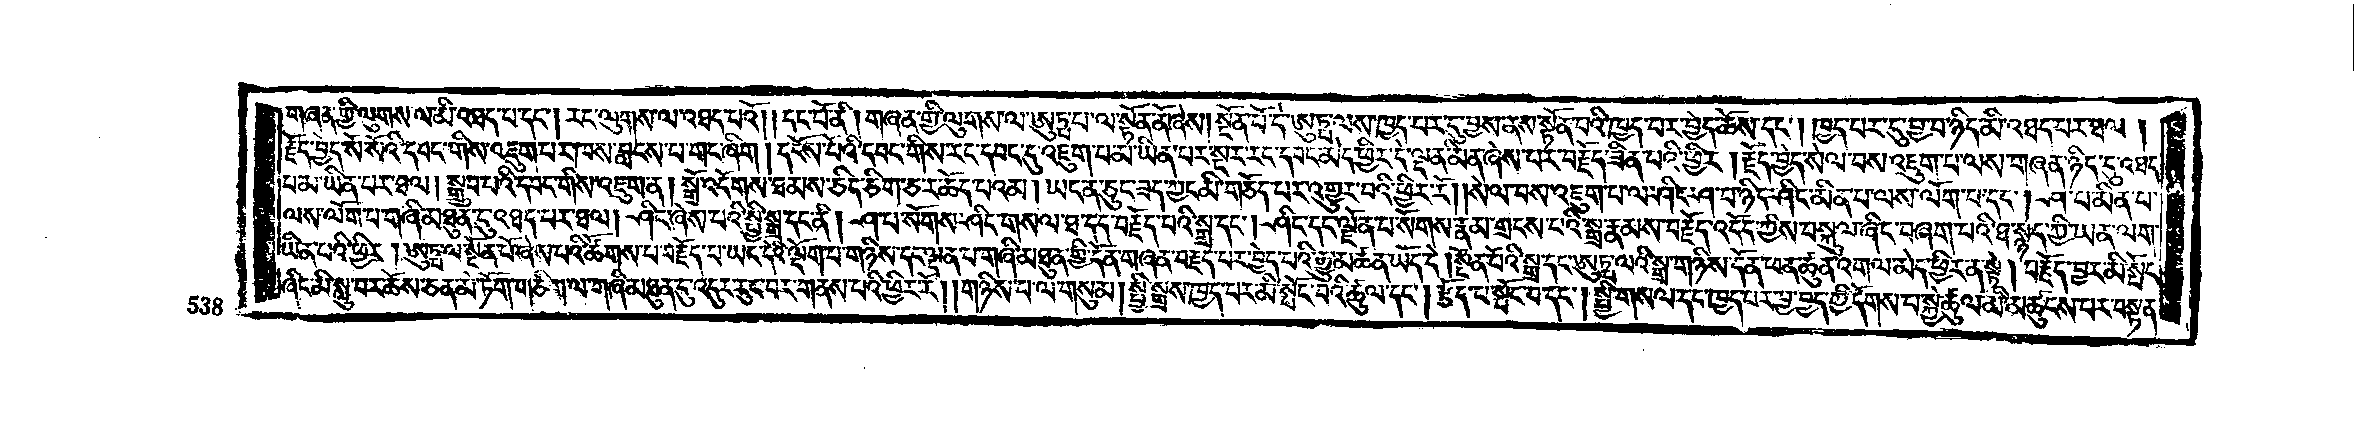གཞན་གྱི་ལུགས་ལ་མི་འཐད་པ་དང་། རང་ལུགས་ལ་འཐད་པའོ། །དང་པོ་ནི། གཞན་གྱི་ལུགས་ལ་ཨུཏཔ་ལ་སྟོན་ནོ་ཞེས། སྔོན་པོ་དེ་ཨུཏཔ་ལས་ཁྱད་པར་དུ་བྱས་ནས་སྟོན་པའི་ཁྱད་པར་བྱེད་ཆོས་དང་། ཁྱད་པར་དུ་བྱ་བ་ཉིད་མི་འཐད་པར་ཐལ།
རྗོད་བྱེད་སོ་སོའི་དབང་གིས་འཇུག་པར་ཁས་བླངས་པ་གང་ཞིག །དངོས་པོའི་དབང་གིས་རང་དབང་དུ་འཇུག་པ་མ་ཡིན་པར་སྔར་རང་དབང་མེད་ཕྱིར་དེ་ལྡན་མིན་ཞེས་པར་བརྗོད་ཟིན་པའི་ཕྱིར། རྗོད་བྱེད་སེལ་བས་འཇུག་པ་ལས་གཞན་ཉིད་དུ་འཐད་
པ་མ་ཡིན་པར་ཐལ། སྒྲུབ་པའི་དབང་གིས་འཇུག་ན། སྒྲོ་འདོགས་ཐ?་མས?་ཅིད་ཅིག་ཅར་ཆོད་པའམ། ཡང་ན་ཅུང་ཟད་ཀྱང་མི་གཅོད་པར་འགྱུར་བའི་ཕྱིར་རོ། །སེལ་བས་འཇུག་པ་ལ་ཤིང་ཤ་པ་ཉིད་ཤིང་མིན་པ་ལས་ལོག་པ་དང་། ཤ་པ་མིན་པ་
ལས་ལོག་པ་གཞི་མཐུན་དུ་འཐད་པར་ཐལ། ཤིང་ཞེས་པའི་སྤྱི་སྒྲ་དང་ནི། ཤ་པ་སོགས་ཤིང་གསལ་ཐ་དད་བརྗོད་པའི་སྒྲ་དང་། ཤིང་དང་ལྗོན་པ་སོགས་རྣམ་གྲངས་པའི་སྒྲ་རྣམས་བརྗོད་འདོད་ཀྱིས་བསྐུལ་ཞིང་བཞག་པའི་ཐ་སྙད་ཀྱི་ཡན་ལག་
ཡིན་པའི་ཕྱིར། ཨུཏཔ་ལ་སྔོན་པོ་ཞེས་པའི་ཚོགས་པ་བརྗོད་པ་ཡང་དེའི་ལྡོག་པ་གཉིས་དང་ལྡན་པ་གཞི་མཐུན་གྱི་དོན་གཞན་བརྗོད་པར་བྱེད་པའི་རྒྱུ་མཚན་ཡོད་དེ། སྔོན་པོའི་སྒྲ་དང་ཨུཏཔ་ལའི་སྒྲ་གཉིས་དོན་ཕན་ཚུན་འགལ་མེད་ཕྱིར་ན་སྟེ། བརྗོད་བྱར་མི་སྤོང་
ཞིང་མི་སླུ་བར་ཆོས་ཅན་མེ་ཏོག་གཅིག་ལ་གཞི་མཐུན་དུ་འདུར་རུང་བར་གནས་པའི་ཕྱིར་རོ། །གཉིས་པ་ལ་གསུམ། སྤྱི་སྒྲས་ཁྱད་པར་མི་སྤོང་བའི་ཚུལ་དང་། རྩོད་པ་སྤོང་བ་དང་། སྤྱི་གསལ་དང་ཁྱད་པར་བྱ་བྱེད་ཀྱི་དོགས་པ་སྐྱེ་ཚུལ་མི་མཚུངས་པར་བསྟན་